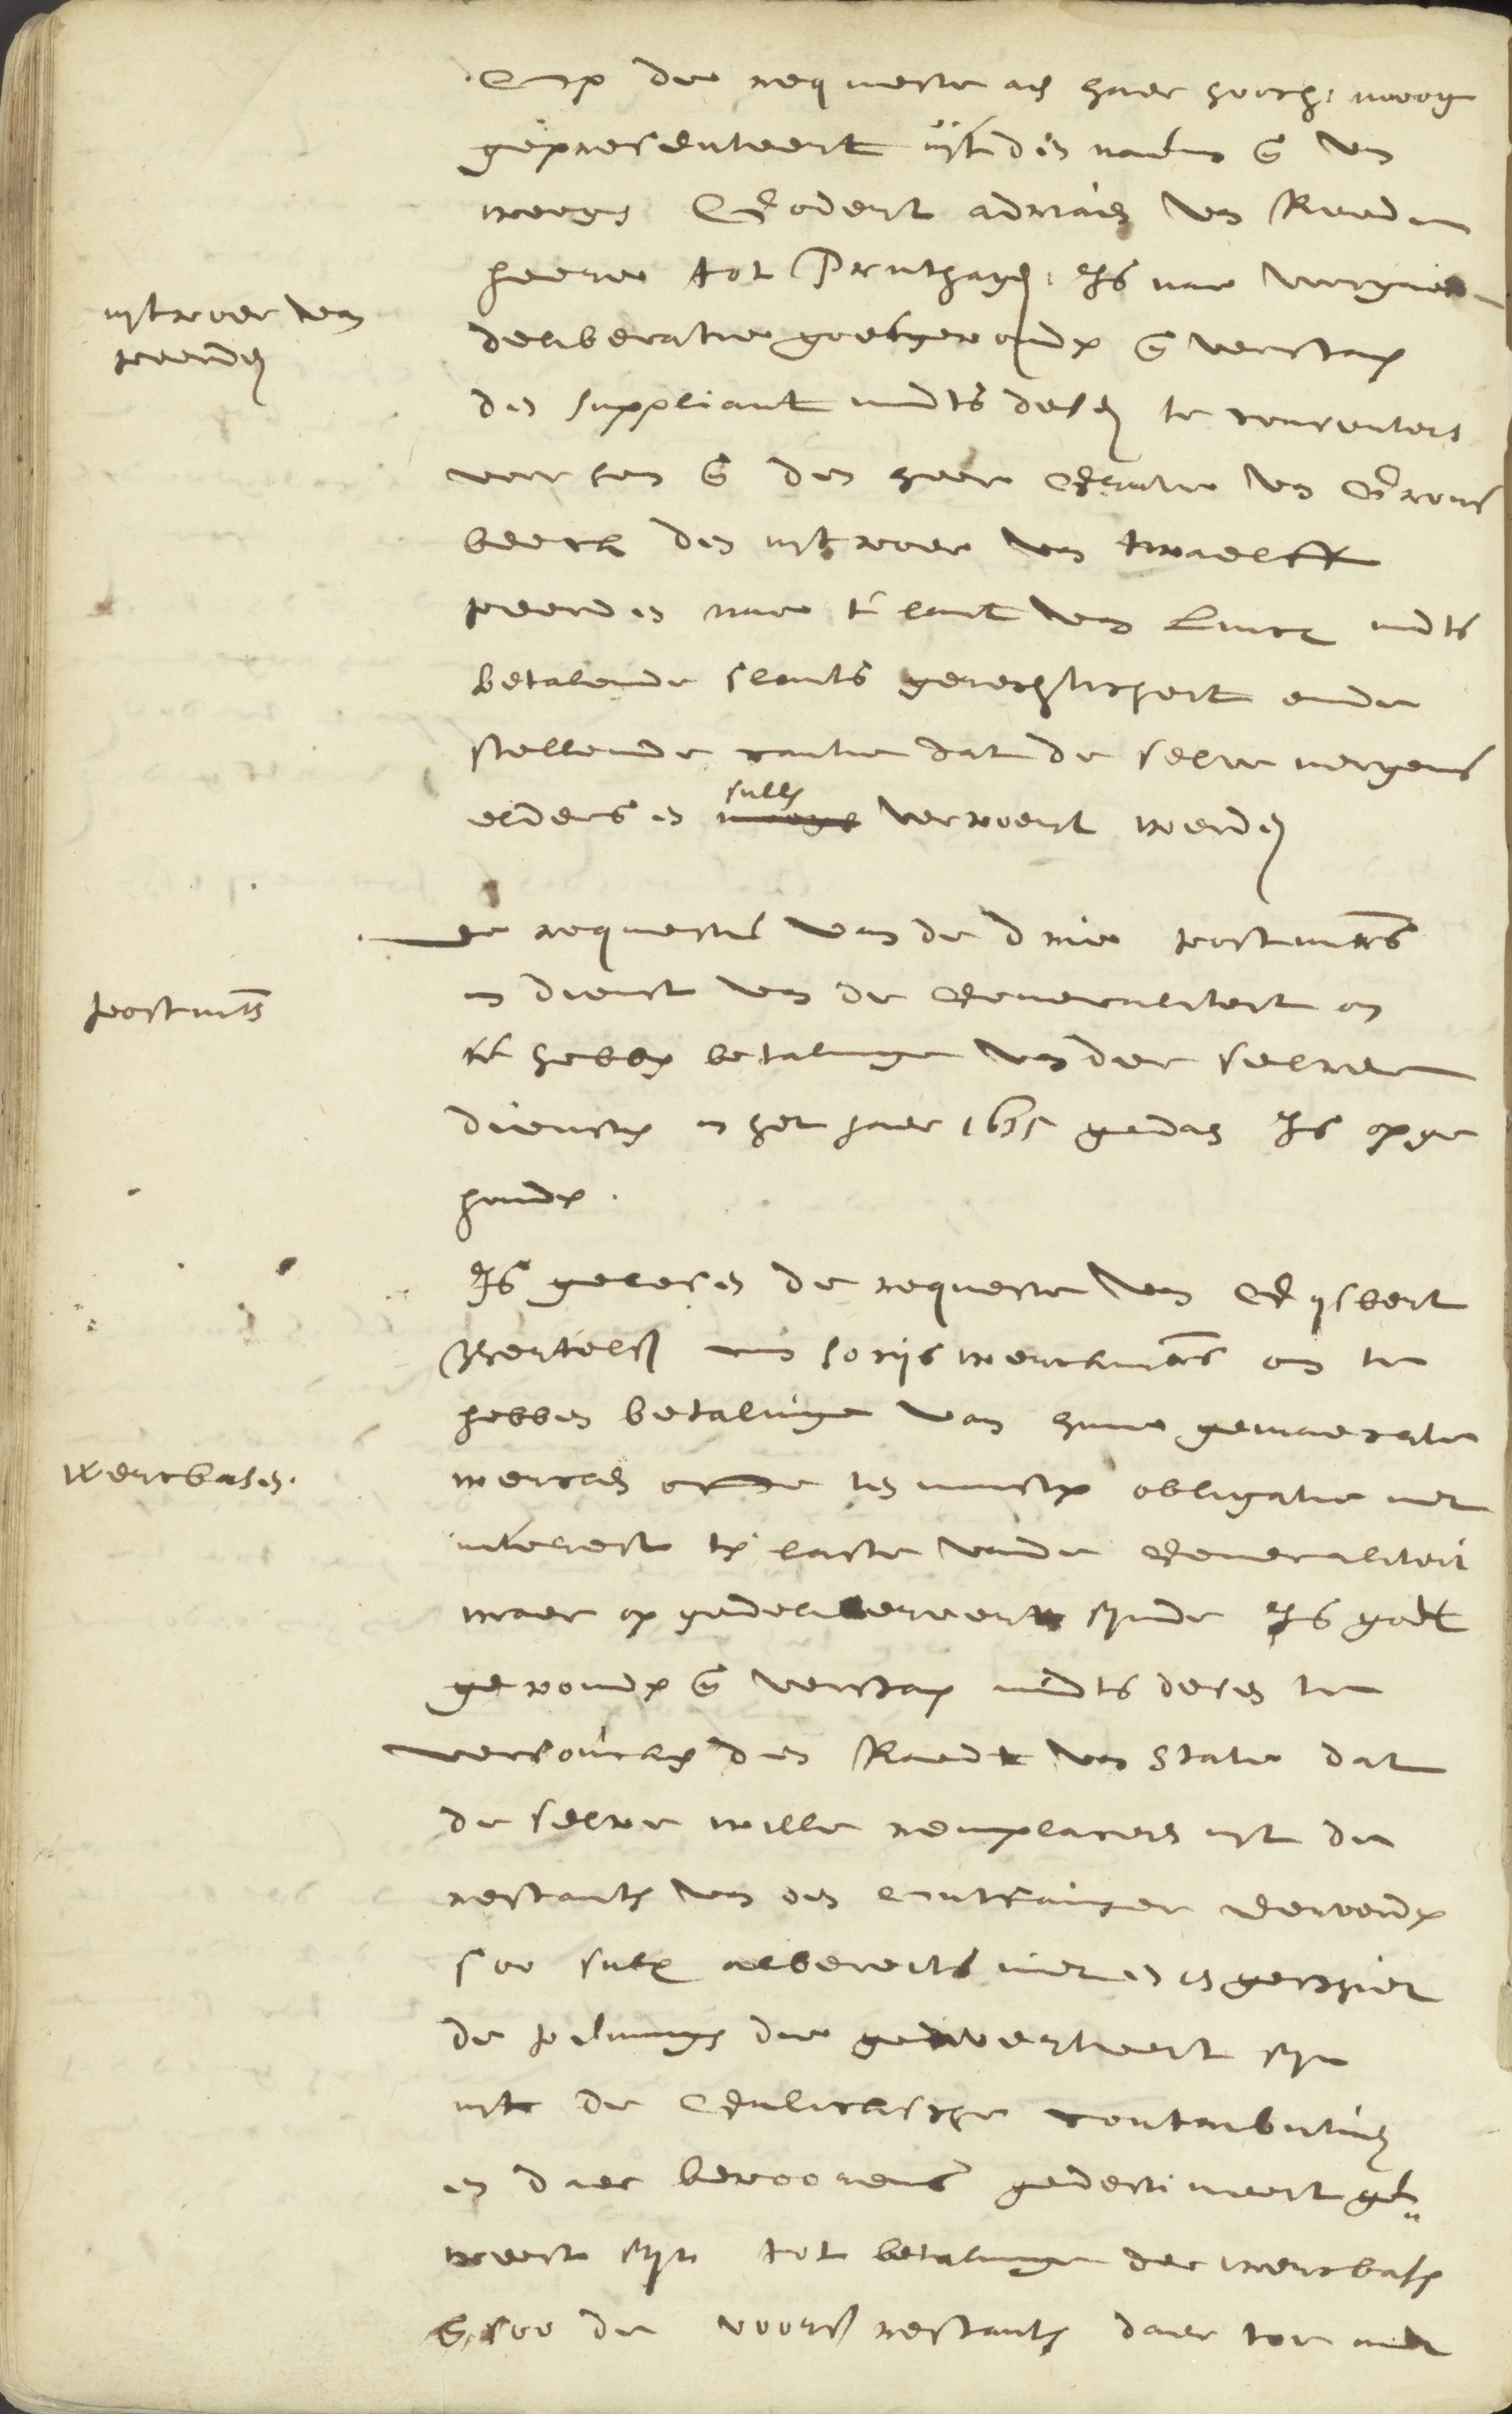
Uytvoer van
peerden
Op de requeste aen haer hooch moog
gepresenteert uijt den naem & van
weegen Godert Adriaen van Reeden
heere tot Printhagen. Is nae voorgaende
deliberatie goetgevonden & verstaen
den suppliant midts desen te consenteren
voor hem & den heer Grave van Grons
beeck den uytvoer van twaelff
peerden naer t' lant van Luick midts
betalende slants gerechticheit ende
stellende cautie dat de selve nergens
sullen
elders en mogen vervoert werden
postmrs
De requeste van de drie postmrs
in dienst van de Generaliteit om
te hebben betalinge van der selve
diensten in het jaer 1635 gedaen Is opge
houden.
Wercbasen
Is gelesen de requeste van Gysbert
Bertels cum socijs werckmrs om te
hebben betalinge van hunne gemaeckte
wercken ofte ten minsten obligatie met
interest ten laste vande Generaliteit
waer op gedelibereert synde Is goet
gevonden & verstaen midts desen te
versoucken den Raedt van State dat
de selve willen remplaceren uyt den
restanten van den ontvanger Deuverden
soo sulx albereits niet en is geschiet
de penningen die gediverteert syn
uyt de Gulicksche contributien
en daer bevoorens gedestineert ge„
weest syn tot betalinge der wercbasen
& soo de voors restanten daer toe niet
